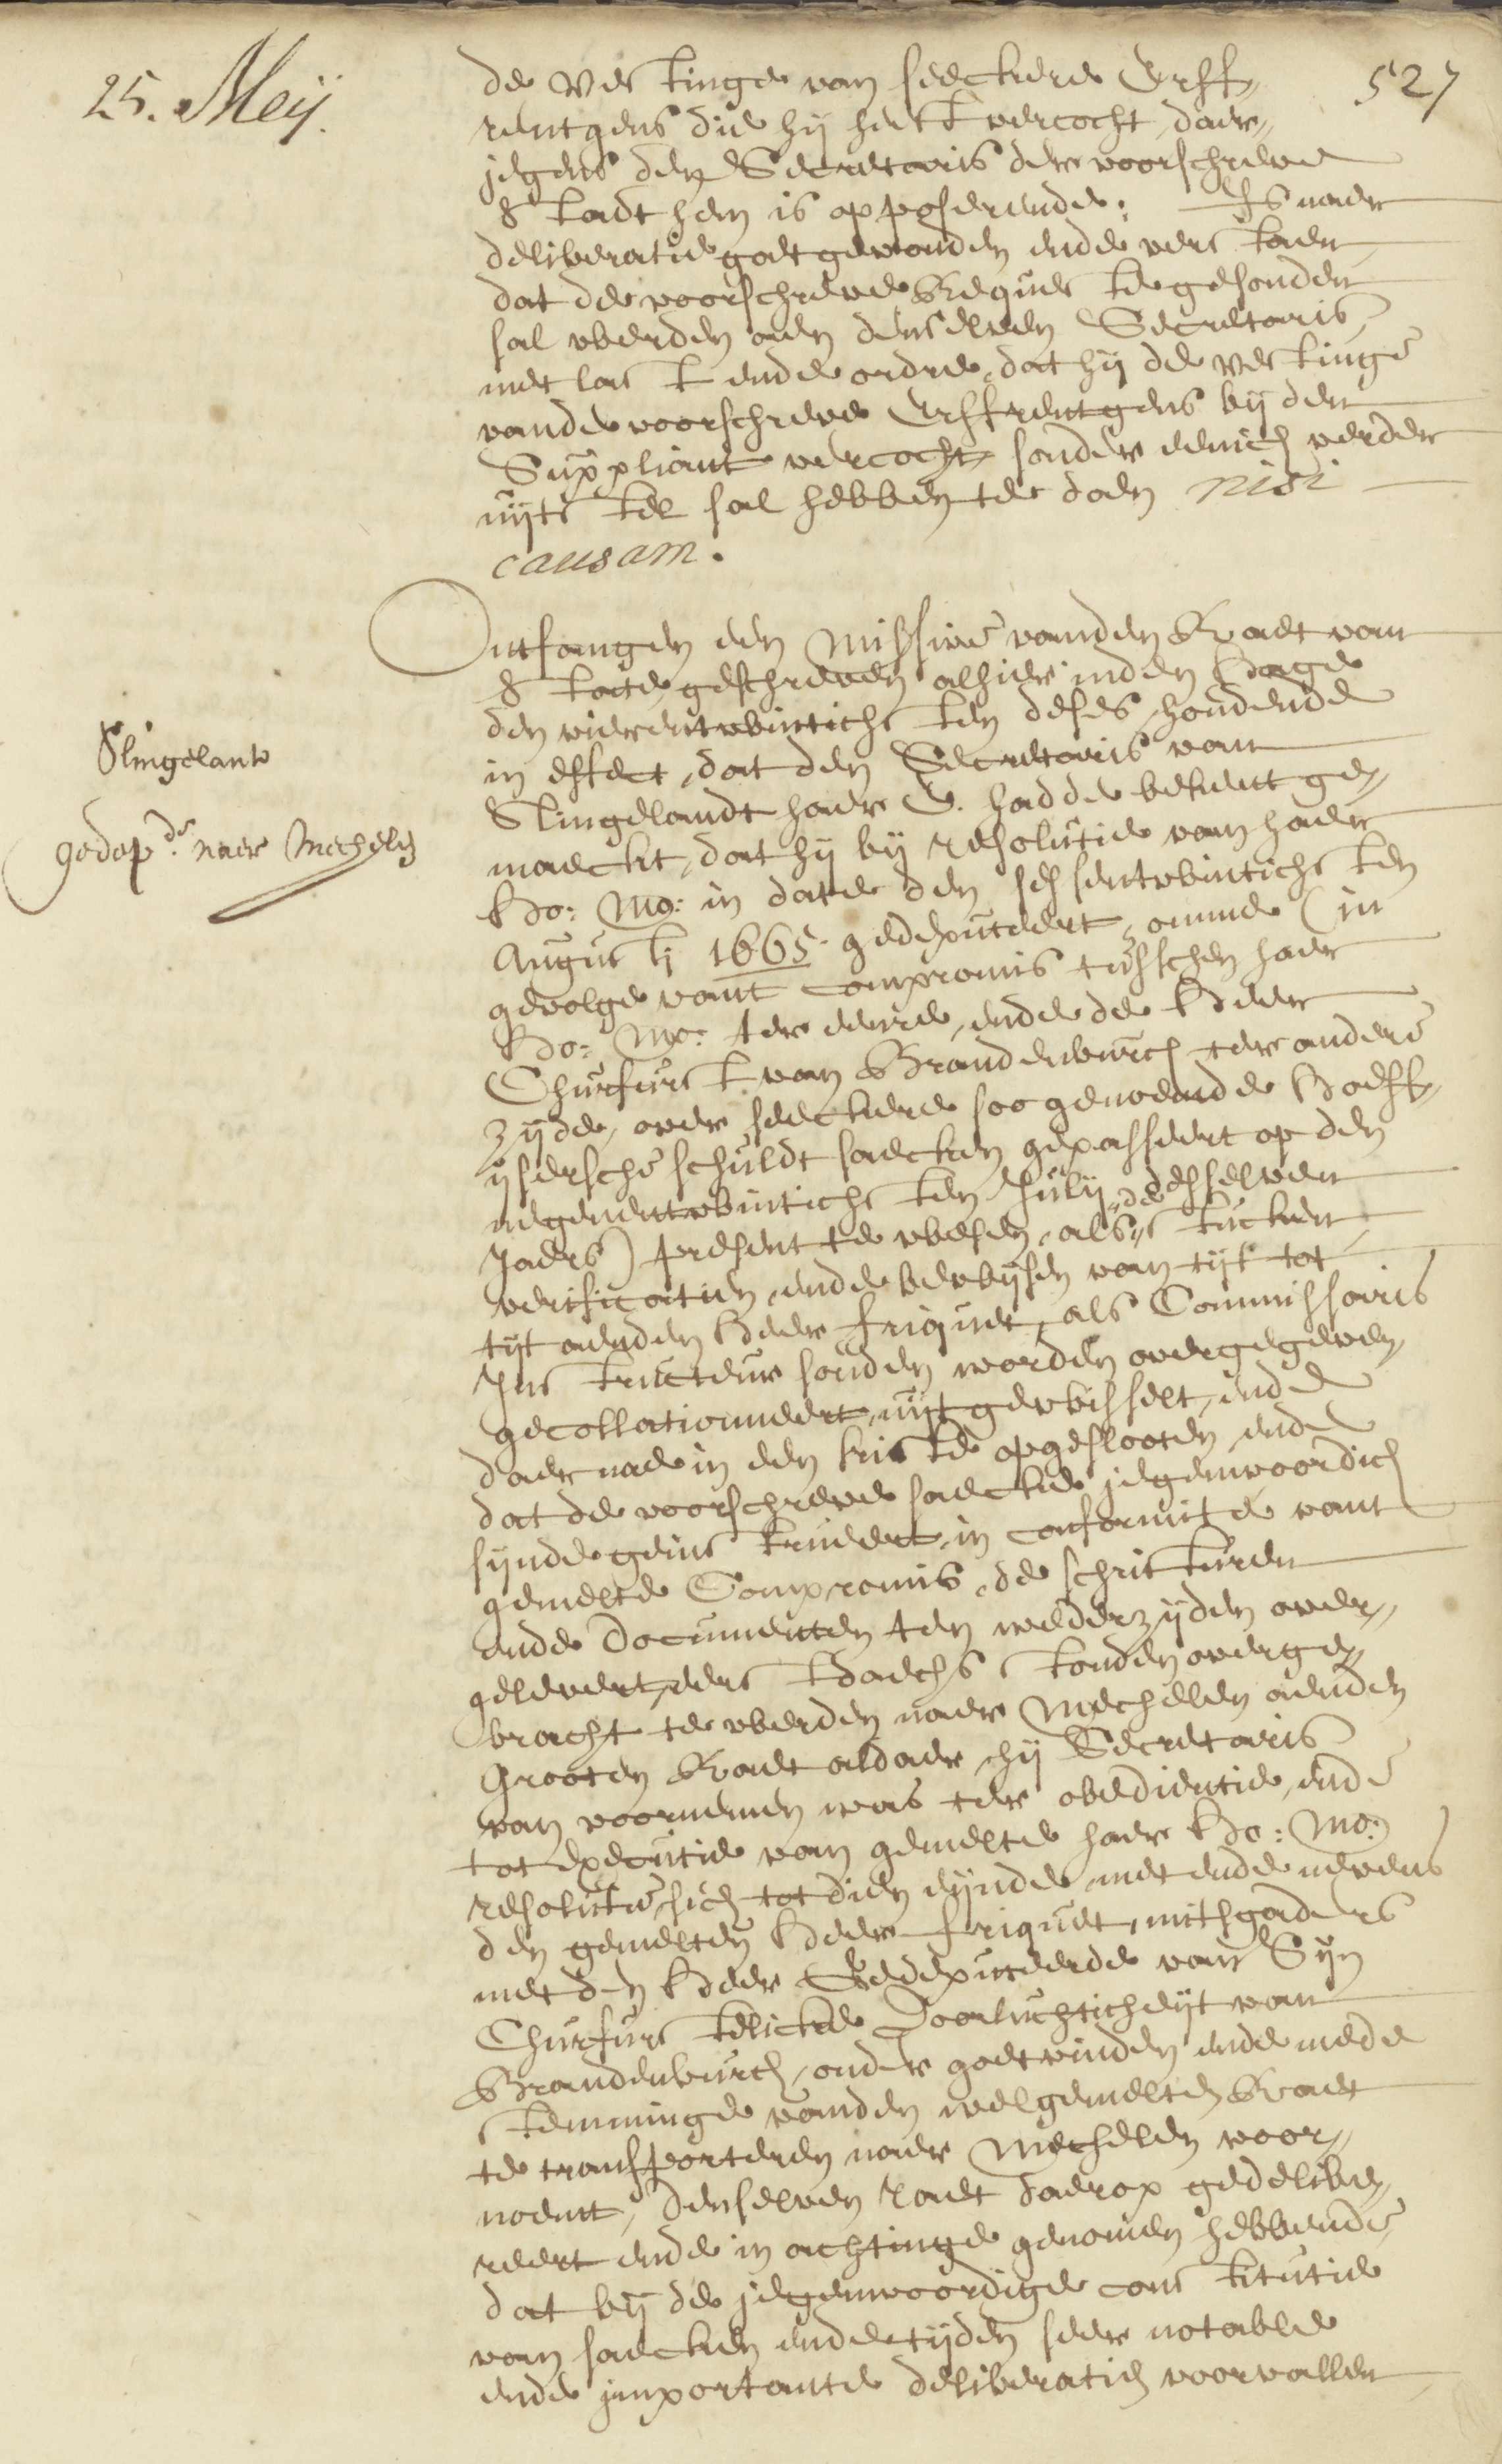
527
25. Meij.
de Vestinge van seeckere Erff„
rentgens die hij heeft vercocht, daer„
jegens den Secretaris der voorschreve
Stadt hem is opposerende: Is naer
deliberatie goetgevonden ende verstaen,
dat de voorschreve Requeste gesonden
sal werden aen denselven Secretaris,
met last ende ordre, dat hij de Vestinge
vande voorschreve Erffrentgens bij den
Suppliant vercocht, sonder eenich verder
uijtstel sal hebben te doen nisi
causam.
Slingelant
gedepden. naer Mechelen
Ontfangen een missive vanden Raet van
State geschreven alhier inden Hage
den vierentwintichsten deses, houdende
in effect, dat den Secretaris van
Slingelandt haer E. hadde bekent ge„
maeckt, dat hij bij resolutie van haer
Ho:Mo: in date den sessentwintichsten
Augusti 1665 gedeputeert omme (in
gevolge vant compromis tusschen haer
Ho:Mo: ter eenre, ende de Heer
Churfurst van Brandenburch ter andere
zijde, over seeckere soo genoemde Hoeff„
ijsersche schuldt saecken gepasseert op den
negenentwintichsten Julij desselven
Jaers) present te wesen, als#de stucken
verificatien, ende bewijsen van tijt tot
tijt aenden Heer Friquet, als Commissaris
Instructeur souden worden overgegeven,
gecollationneert uijtgewisselt, ende
daernae in een kiste opgeslooten ende
dat de voorschreve saecke jegenwoordich
sijnde geinstrueert, in conformité vant
gemelte Compromis, de schrifturen
ende documenten ten wederzijden over„
gelevert, eerstdaechs stonden overge„
bracht te werden naer Mechelen aenden
Grooten Raet aldaer, hij Secretaris
van voornemen was ter obedientie, ende
tot executie van gemelte haer Ho:Mo:
resolutie, sich tot dien eijnde, met ende nevens
den gemelten Heer Friquet, mitsgaders
met den Heer Gedeputeerde van Sijn
Churfurstelicke Doorluchticheijt van
Brandenburch, onder goetvinden ende mede
stemminge vanden welgemelten Raet
te transporteren naer Mechelen voor„
noemt, denselven raet daerop gedelibe„
reert ende in achtinge genomen hebbende
dat bij de jegenwoordige constitutie
van saecken ende tijden seer notable
ende importante deliberatien voorvallen
